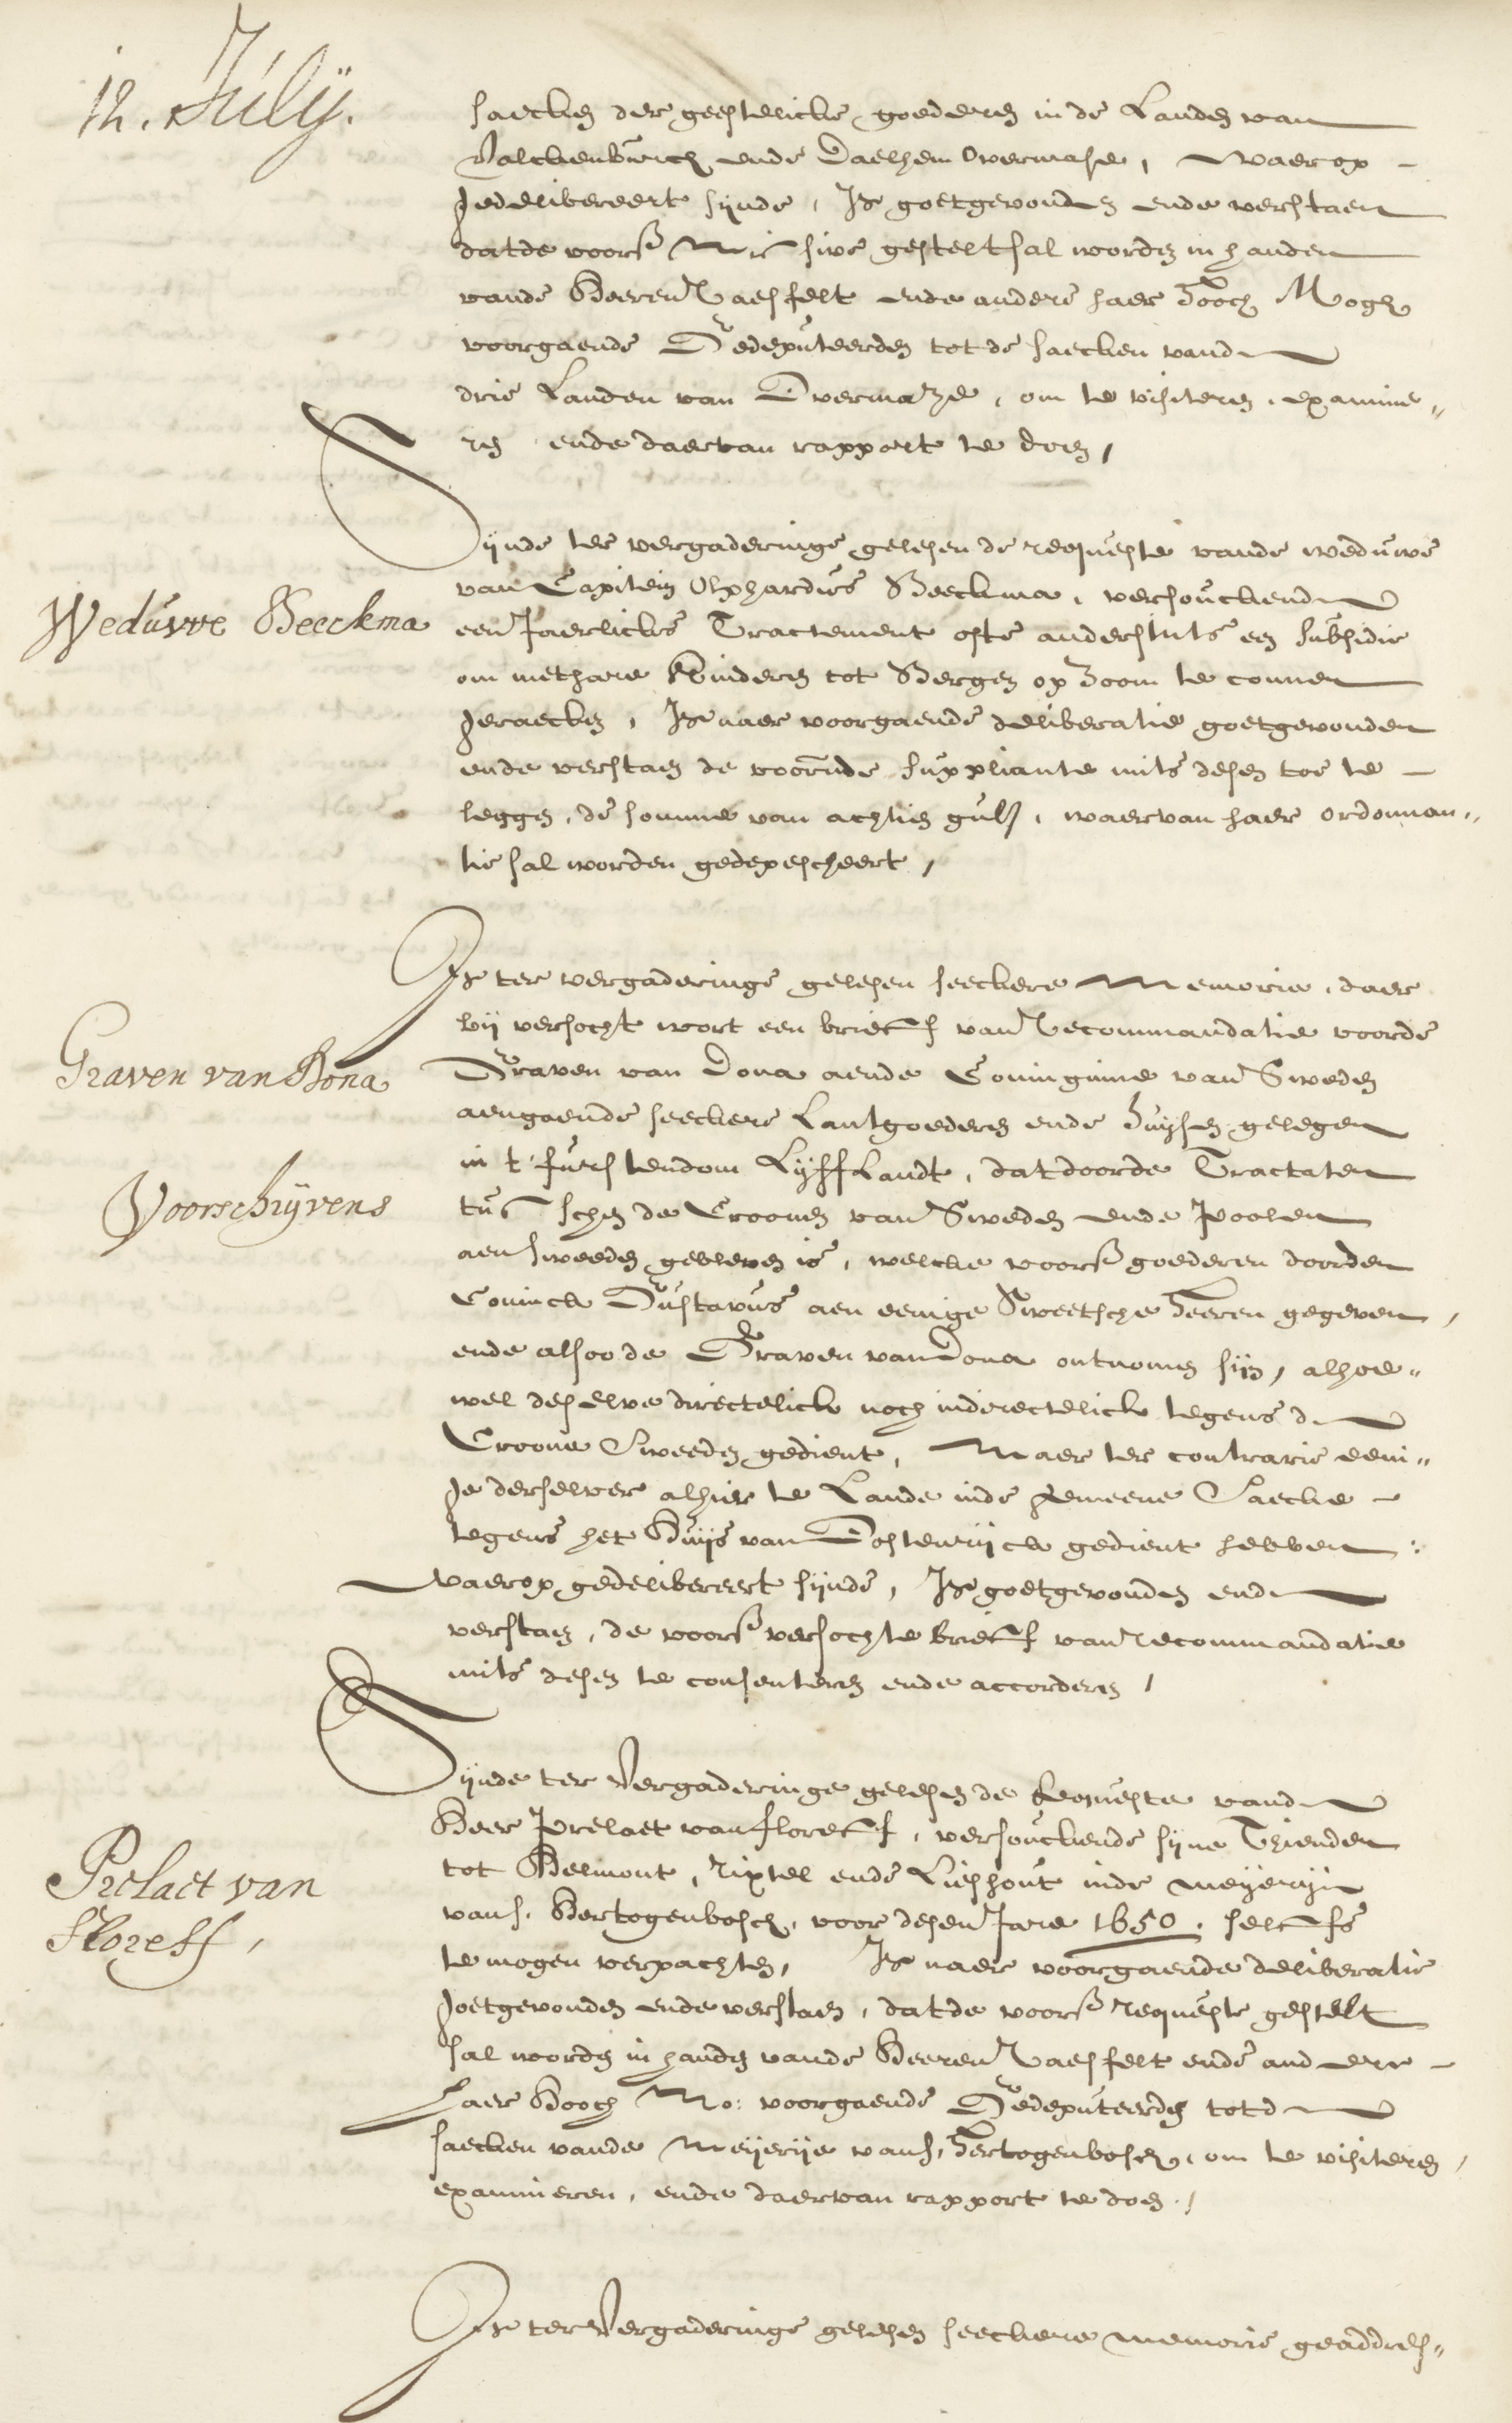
12. Julij.
saecken der geestelicke goederen in de Landen van
Valckenburch ende Daelhem Overmase. Waerop
gedelibereert sijnde, Is goetgevonden ende verstaen
dat de voors missive gestelt sal worden in handen
vande Heeren Raesfelt ende andere haer Hooch Mogh
voorgaende Gedeputeerden tot de saecken vanden
drie Landen van Overmaze, om te visiteren, examine,,
ren, ende daervan rapport te doen.
Weduwe Beeckma
Sijnde ter vergaderinge gelesen de requeste vande weduwe
van Capitein Olphardus Heeckma, versouckende
een Jaerlicks Tractement ofte andersints een subsidie
om met hare Kinderen tot Bergen op Zoom te connen
geraecken. Is naer voorgaende deliberatie goetgevonden
ende verstaen de voornde suppliante mits desen toe te
leggen, de somme van achtien guls. waervan haer ordonnan„
tie sal worden gedepescheert.
Graven van Dona
Voorschrijvens
Is ter vergaderinge gelesen seeckere Memorie, daer
bij versocht wort een brieff van recommandatie voorde
Graven van Dona aende Coninginne van Sweden
aengoende seeckere Lantgoederen ende huijsen gelegen
in t' furstendom LijffLandt, dat door de Tractaten
tusschen de Croonen van Sweden ende Poolen
aen sweeden gebleven is, welcke voors goederen doorden
Coninck Gustavus aen eenige Sweetsche heeren gegeven,
ende alsoo de Graven van dona ontnomen sijn, alhoe„
wel deselve directelick noch inderectelick tegens de
Croone Sweeden gedient, Maer ter contrarie eeni„
ge derselver alhier te Lande inde gemeene Saecke
tegens het Huijs van Oostenrijck gedient hebben:
waerop gedelibereert sijnde, Is goetgevonden ende
verstaen, de voors versochte brieff van recommandatie
mits desen te consenteren ende accorderen.
Prelaet van
floreff.
Sijnde ter vergaderinge gelesen de Requeste vande
Heer Prelaet van Floreff, versouckende sijne Thienden
tot Helmont, rixtel ende Lieshout inde meijerije
van s. Hertogenbosch, voor desen jare 1650. selffe
te mogen verpachten. Is naer voorgaende deliberatie
goetgevonden ende verstaen, dat de voors requeste gestelt
sal worden in handen vande Heeren Raesfelt ende andere
Haer Hooch Mo: voorgaende Gedeputeerden tot de
saecken vande Meijerije van s' Hertogenbosch, om te visiteren,
examineren, ende daervan rapport te doen.
Is ter Vergaderinge gelesen seeckere memorie geaddres„
